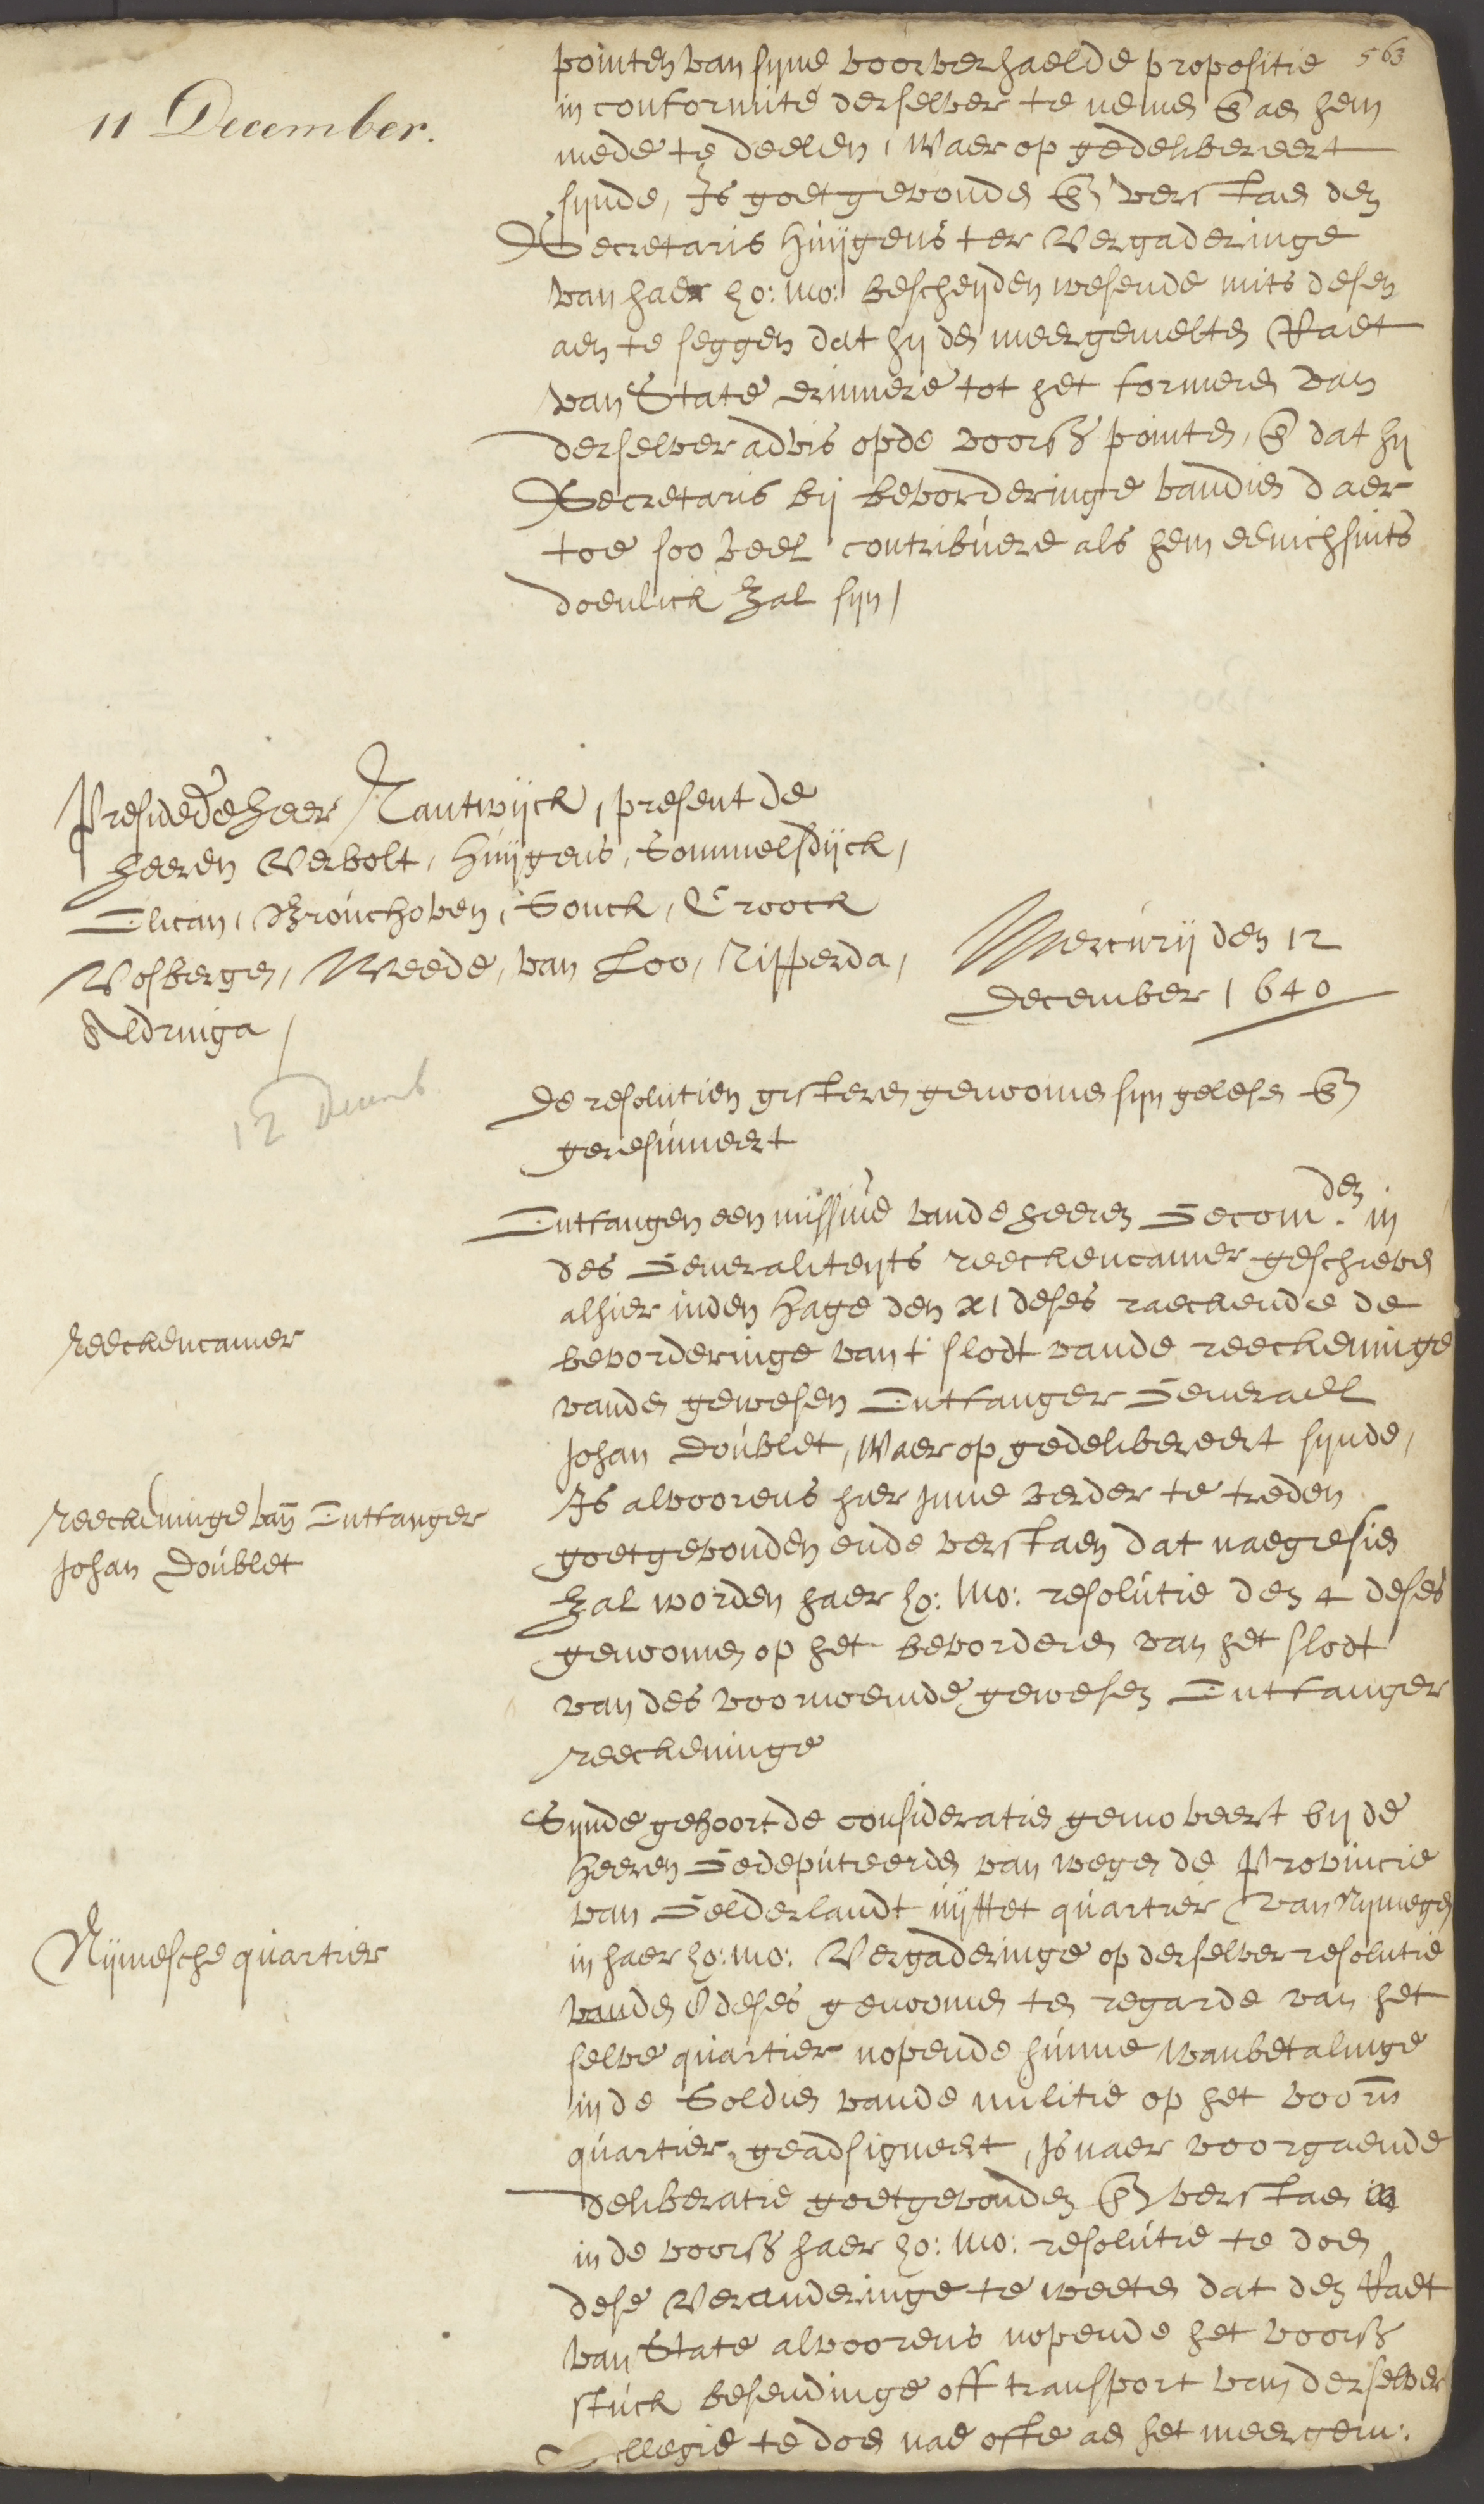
563
11 December.
pointen van syne voorverhaelde propositie
in conformité derselver te nemen & aen hem
mede te deelen. Waer op gedelibereert
synde, Is goetgevonden & verstaen den
Secretaris Huijgens ter Vergaderinge
van haer ho:mo: bescheyden wesende mits desen
aen te seggen dat hy den meergemelten Raet
van State erinnere tot het formeren van
derselver advis opde voors pointen, & dat hy
Secretaris bij bevorderinge vandien daer
toe soo veel contribuere als hem eenichsints
doenlick zal syn.
Mercurij den 12
December 1640
Preside de heer Rantwyck, present de
heeren Verbolt, Huijgens, Sommelsdijck,
Olican, Brouchoven, Sonck, Croock
Vosbergen, Weede, van Loo, Ripperda,
Aldringa
De resolutien gisteren genoomen syn gelesen &
geresumeert
reeckencamer
reeckeninge van Ontfanger
Johan Doublet
Ontfangen een missiue vande heeren Gecomden. in
des Generaliteyts reeckencamer geschreven
alhier inden Hage den xi deses raeckende de
bevorderinge van t' slodt vande reeckeninge
vanden gewesen Ontfanger Generael
Johan Doublet. Waer op gedelibereert synde,
Is alvoorens hier inne verder te treden
goetgevonden ende verstaen dat naegesien
zal worden haer ho:Mo: resolutie den 4 deses
genoomen op het bevorderen van het slodt
van des voornoemde gewesen Ontfanger
reeckeninge
Nijmesche quartier
Synde gehoort de consideratien gemoveert by de
heeren Gedeputeerden van wegen de Provincie
van Gelderlandt uijttet quartier van Nymegen
in haer ho:mo: Vergaderinge op derselver resolutie
vanden 8 deses genoomen ten regarde van het
selve quartier nopende hunne wanbetalinge
in de Soldien vande militie op het voorn
quartier, geadsigneert, Is naer voorgaende
deliberatie goetgevonden & verstaen in
in de voors haer ho:mo: resolutie te doen
dese Veranderinge te weeten dat den Raet
van State alvoorens nopende het voors
stuck besendinge off transport van derselver
Collegie te doen nae ofte aen het meergem:
